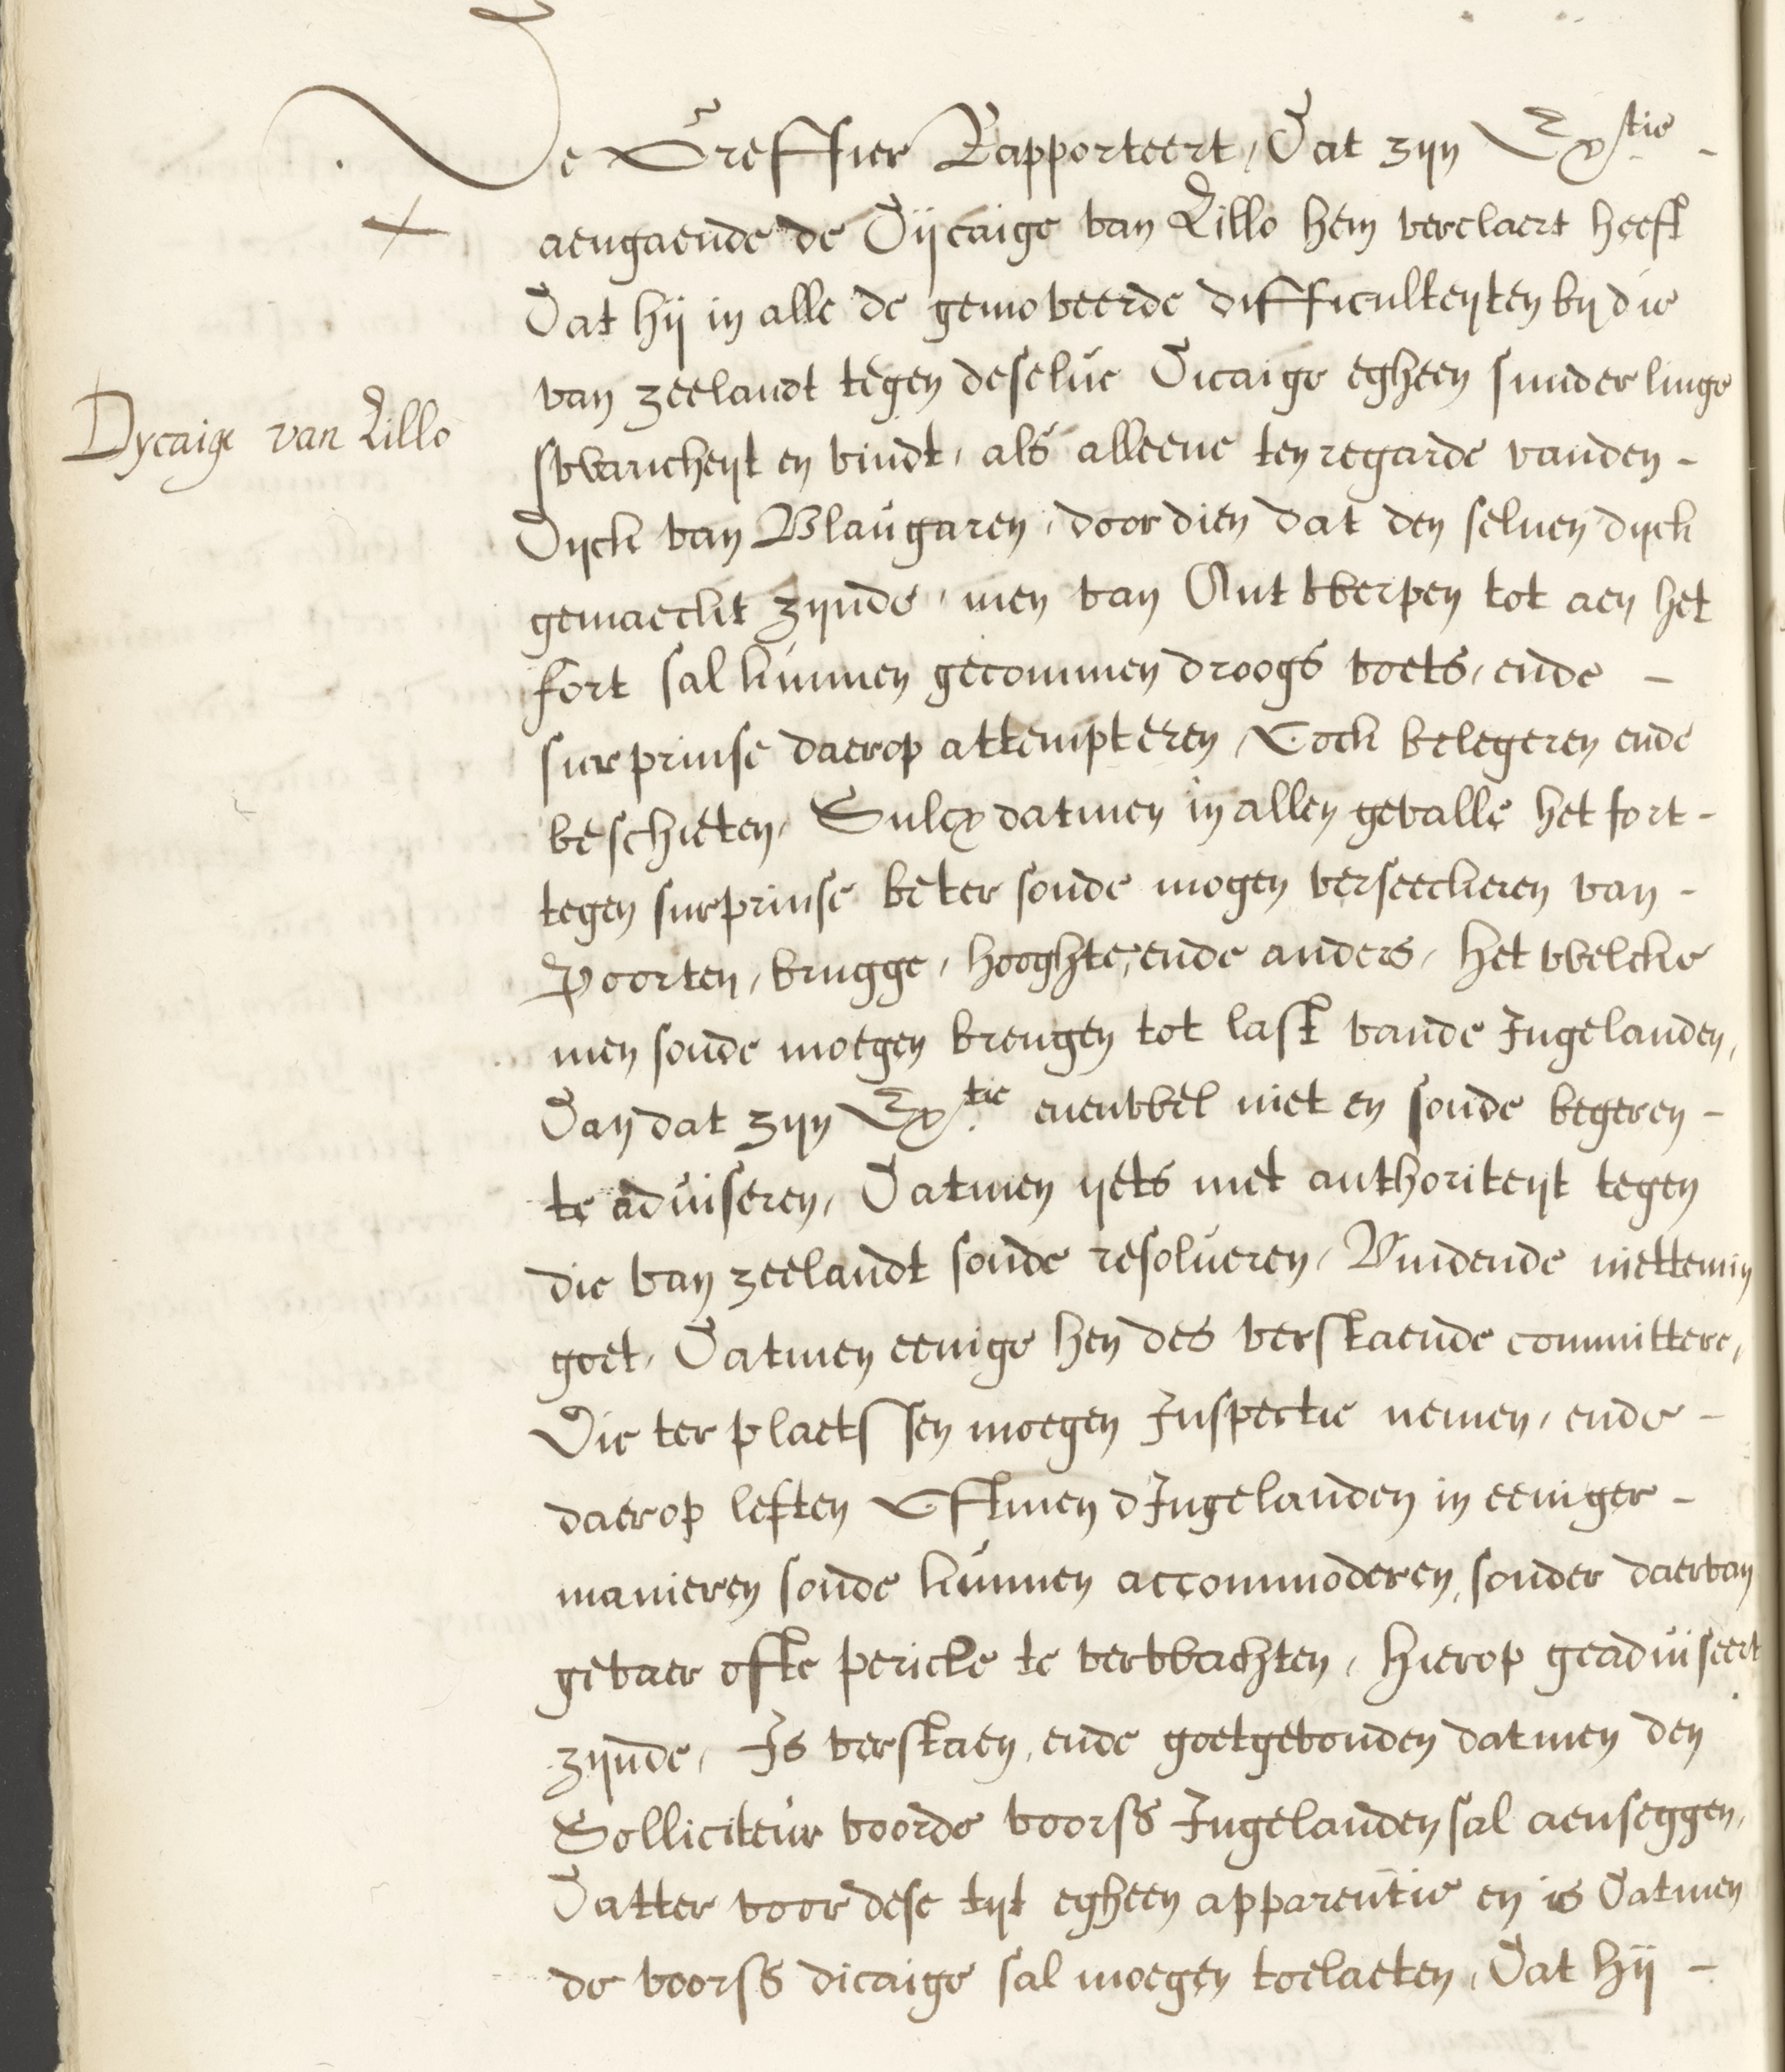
Dycaige van Lillo
De Greffier Rapporteert, dat zyn Extie.
aengaende de Dijcaige van Lillo hem verclaert heeft
dat hij in alle de gemoveerde difficulteyten by die
van Zeelandt tegen deselue Dicaige egheen sunderlinge
swaricheyt en vindt, als alleene ten regarde vanden
Dyck van Blaugaren, door dien dat den seluen dyck
gemaeckt zynde, men van Antwerpen tot aen het
fort sal kunnen gecommen droogs voets, ende
surprinse daerop attempteren. Oock belegeren ende
beschieten, Sulcx datmen in allen gevalle het fort
tegen surprinse beter soude mogen verseeckeren van
Poorten, brugge, hooghte, ende anders, het welcke
men soude moegen brengen tot last vande Ingelanden,
Dan dat zyn Extie. euenwel niet en soude begeren -
te aduiseren, datmen yets met authoriteyt tegen
die van zeelandt soude resolueren, Vindende niettemin
goet, datmen eenige hen des verstaende committere,
Die ter plaetssen moegen Inspectie nemen, ende
daerop leften Oftmen d'Ingelanden in eeniger
manieren soude kunnen accommoderen, sonder daervan
gevaer ofte pericle te verwachten. hierop geaduiseert
zynde, Is verstaen, ende goetgevonden dat men den
Solliciteur voorde voors Ingelanden sal aenseggen,
datter voor dese tyt egheen apparentie en is datmen
de voors dicaige sal moegen toelaeten, dat hij
